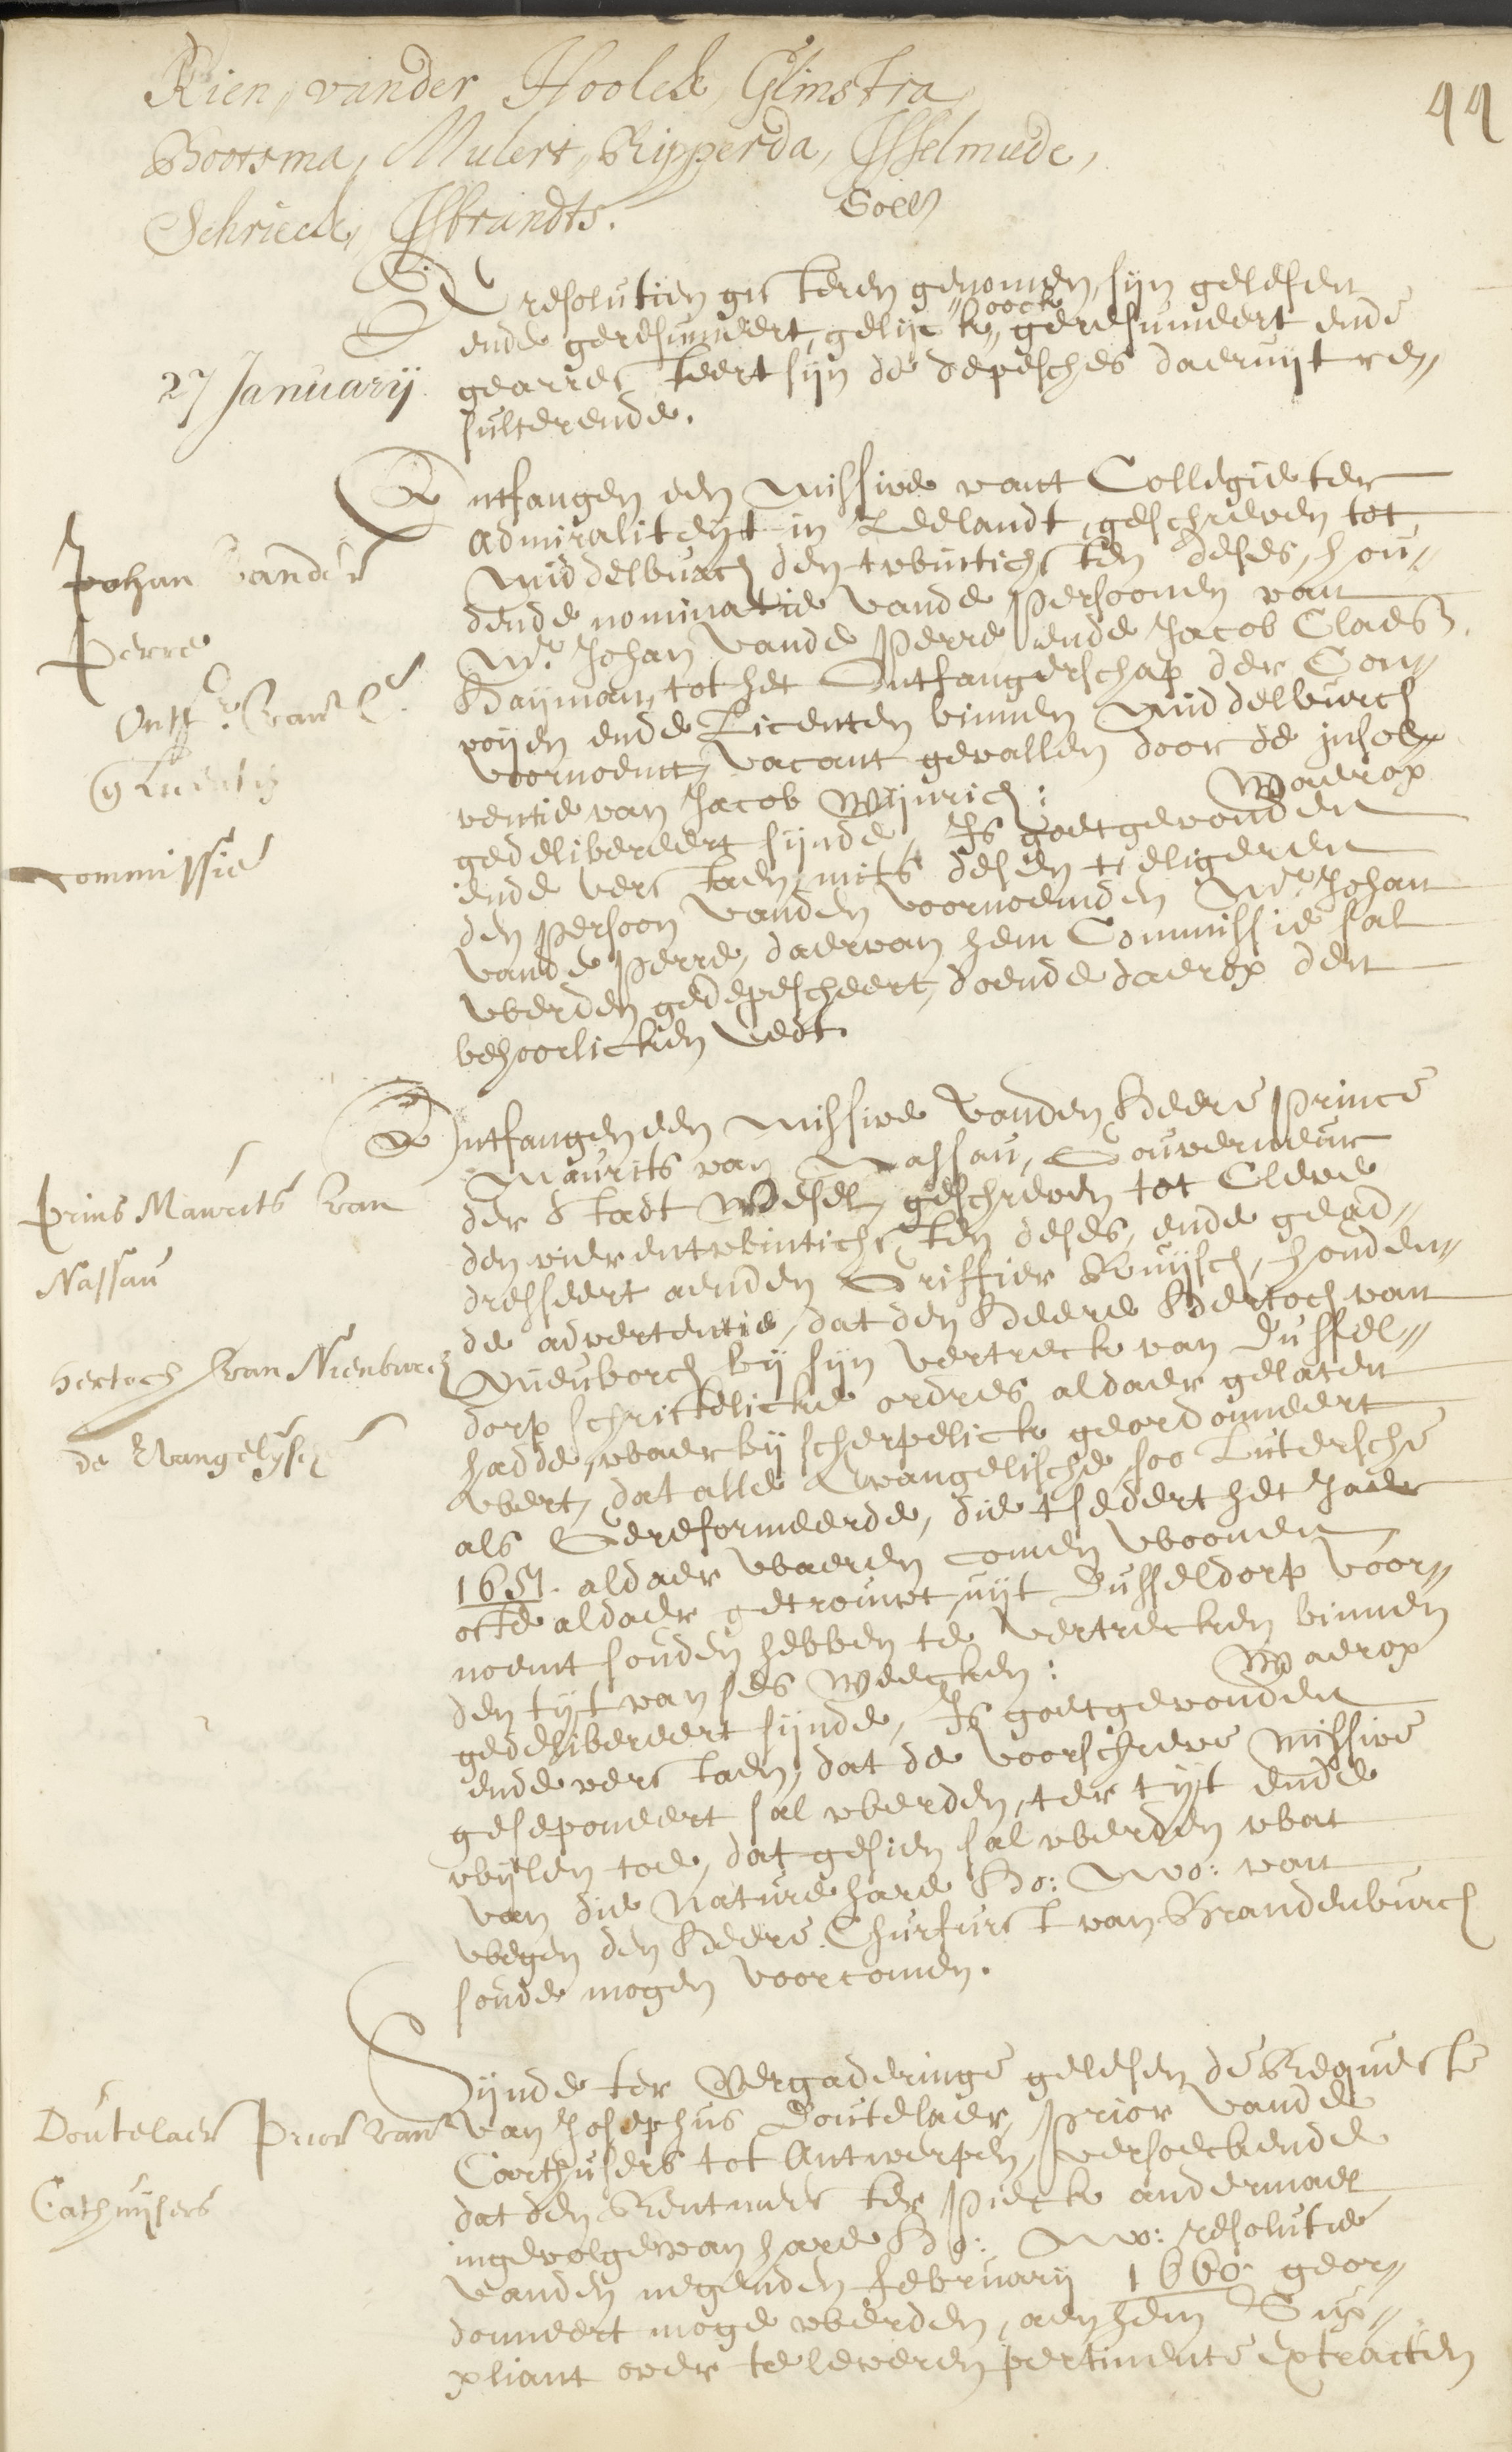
44
Kien, vander Hoolck, Glinstra,
Bootsma, Mulert, Ripperda, Isselmude,
Schrieck, Isbrandts. Coll
27 Januarij.
De resolutien gisteren genomen, sijn gelesen
ende geresumeert, gelijck oock geresumeert ende
gearresteert sijn de depesches daeruijt re„
sulterende.
Johan vander
Perre
Ontfr. van C.
& Licenten
commissie
Ontfangen een missive vant Collegie ter
Admiraliteijt in Zeelandt, geschreven tot
Middelburch den twintichsten deses, hou„
dende nominatie vande persoonen van
Mr. Johan vande Perre ende Jacob Claesz.
Haijman, tot het Ontfangerschap der Con„
voijen ende Licenten binnen Middelburch
voornoemt, vacant gevallen door de insol„
ventie van Jacob Wijnrich: Waerop
gedelibereert sijnde, Is goetgevonden
ende verstaen, mits desen t‛eligeren
den persoon vanden voornoemden Mr. Johan
vande Perre, daervan hem Commissie sal
werden gedepescheert, doende daerop den
behoorlicken Eedt.
Prins Maurits van
Nassau
hertoch van Nieuborch
de Evangelijsch
Ontfangen een missive vanden Heere Prince
Maurits van Nassau, Gouverneur
der Stadt Wesel, geschreven tot Cleve
den vierentwintichsten deses, ende gead„
dresseert aenden Griffier Ruijsch, houden„
de advertentie, dat den Heere Hertoch van
Nieuborch bij sijn vertreck van Dussel„
dorp schriftelicke ordres aldaer gelaten
hadde, waer bij scherpelick geordonneert
wert, dat alle Evangelische, soo Lutersche
als Gereformeerde, die tsedert het Jaer
1651 aldaer waeren comen woonen,
offe aldaer getrouwt uijt Dusseldorp voor„
noemt souden hebben te vertrecken binnen
den tijt van ses Weecken: Waerop
gedelibereert sijnde, Is goetgevonden
ende verstaen, dat de voorschreve missive
geseponeert sal werden, ter tijt ende
wijlen toe, dat gesien sal werden wat
van die nature hare Ho:Mo: van
wegen den Heere Churfurst van Brandenburch
soude mogen voorcomen.
Doutelaer Prior van
Cathuijsers
Sijnde ter Vergaderinge gelesen de Requeste
van Josephus Doutelaer, prior vande
Carthusers tot Antwerpen, versoeckende
dat den Rentnaer ter Pieck andermael
ingevolge van hare Ho:Mo: resolutie
vanden negenden februarij 1660 geor„
donneert moge werden, aen hem Sup„
pliant over te leveren pertinente extracten
